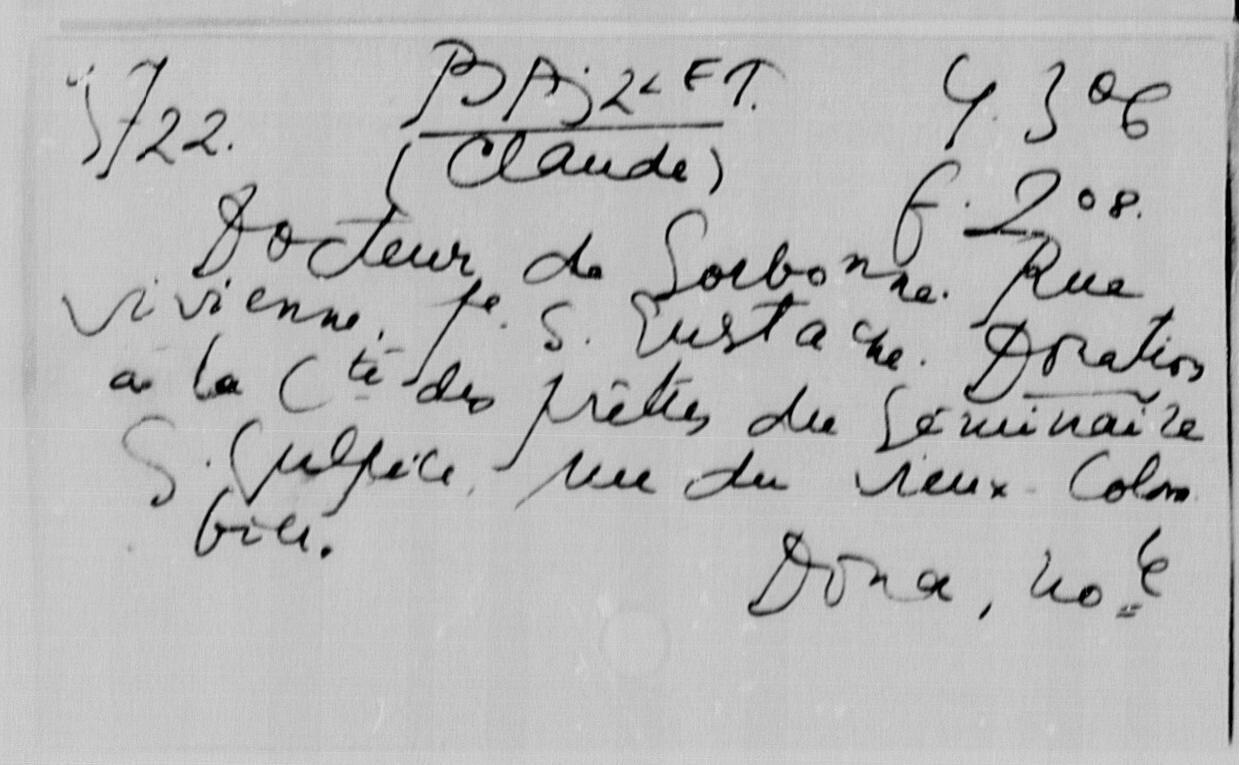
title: BAILLET (Claude)
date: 1722
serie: Y
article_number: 306
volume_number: folio 208
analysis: Docteur de Sorbonne, rue Vivienne, paroisse Saint Eustache Donation à la communauté des prêtres du séminaire Saint-Sulpice, rue du Vieux-Colombier Dona, notaire
